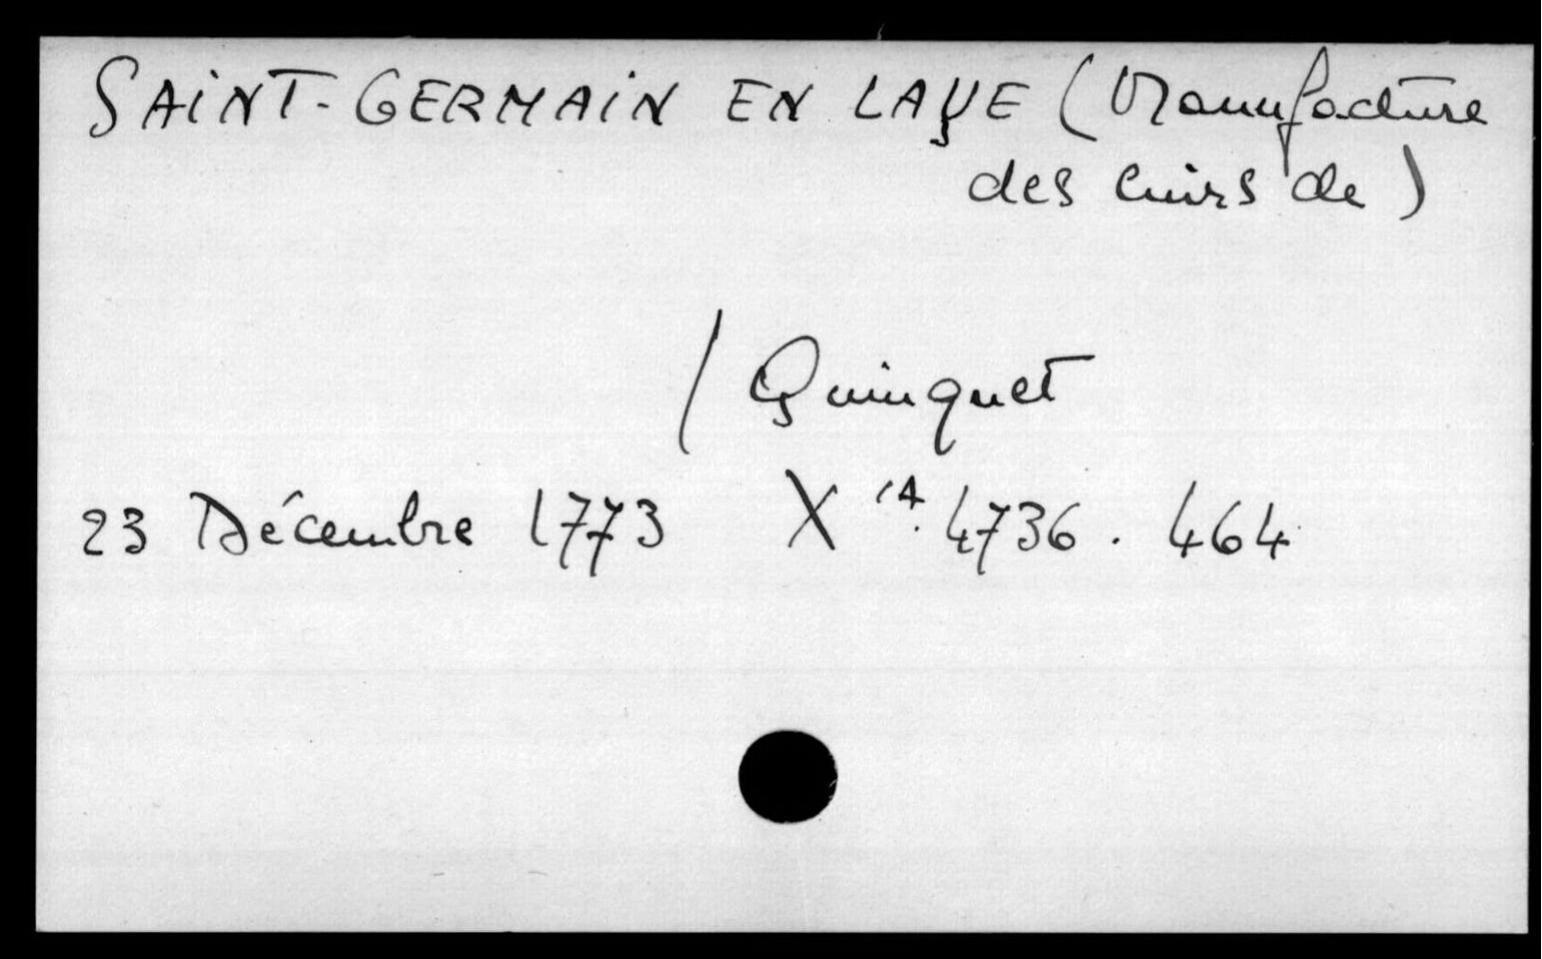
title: SAINT-GERMAIN EN LAYE (Manufacture des cuirs de)
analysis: Contre Guinquet
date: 23 décembre 1773
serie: X1A
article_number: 4736
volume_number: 464
